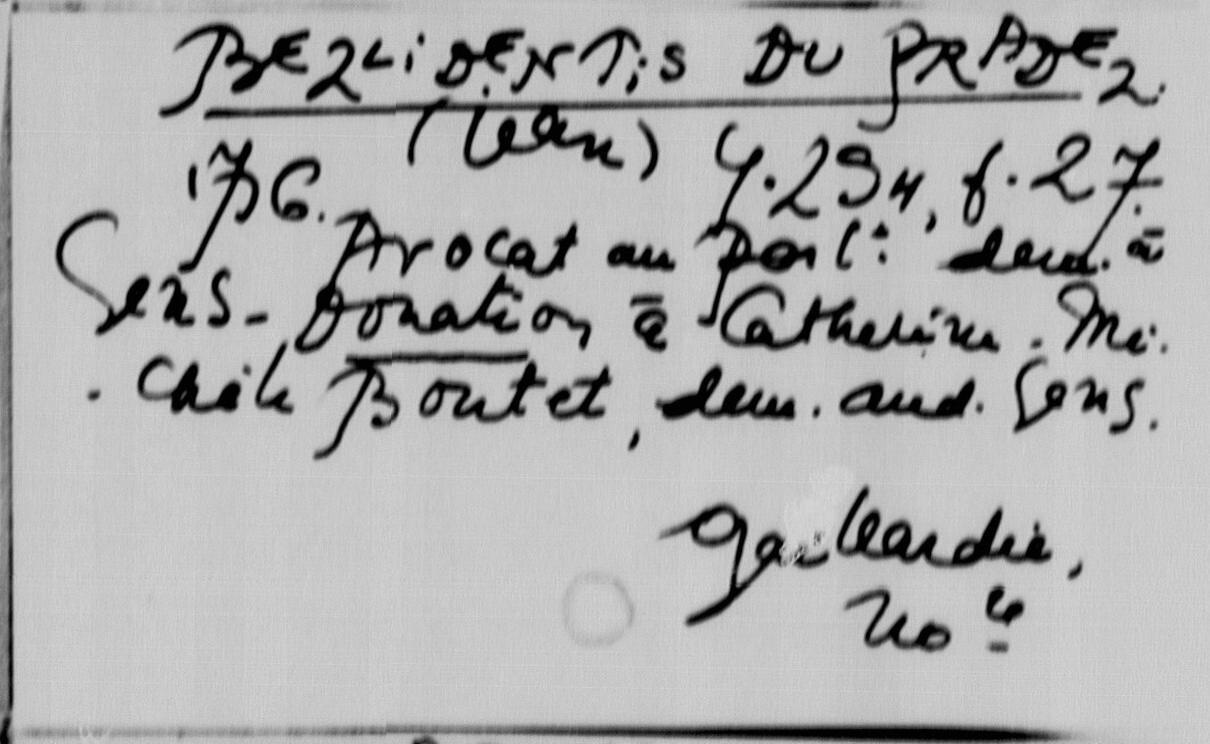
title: BELLIDENTIS DU PRADEL (Jean)
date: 1716
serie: Y
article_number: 294
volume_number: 27
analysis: Avocat au Parlement demeurant à Sens. Donation à Catherine-Michèle BOUTET, demeurant audit Sens. Gaillardie, notaire.
